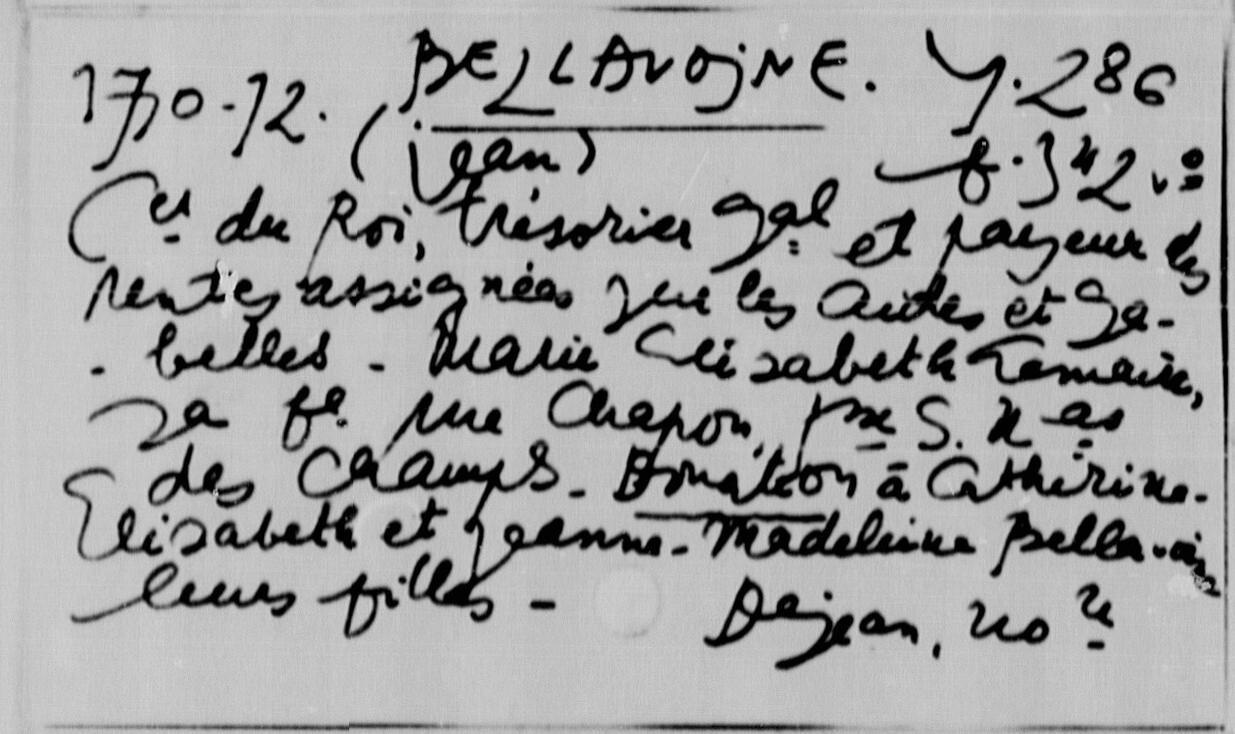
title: BELLAVOINE (Jean)
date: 1710-1712
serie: Y
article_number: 286
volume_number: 342v
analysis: Conseiller du roi, trésorier gal et payeur des rentes assignées sur les aides et gabelles Marie Élisabeth LEMAIRE, sa femme, rue Chapon, paroisse Saint-Nicolas des Champs. Donation à Catherine-Elisabeth et Jeanne-Madeleine BELLAVAIS, leurs filles. Dejean, notaire.
